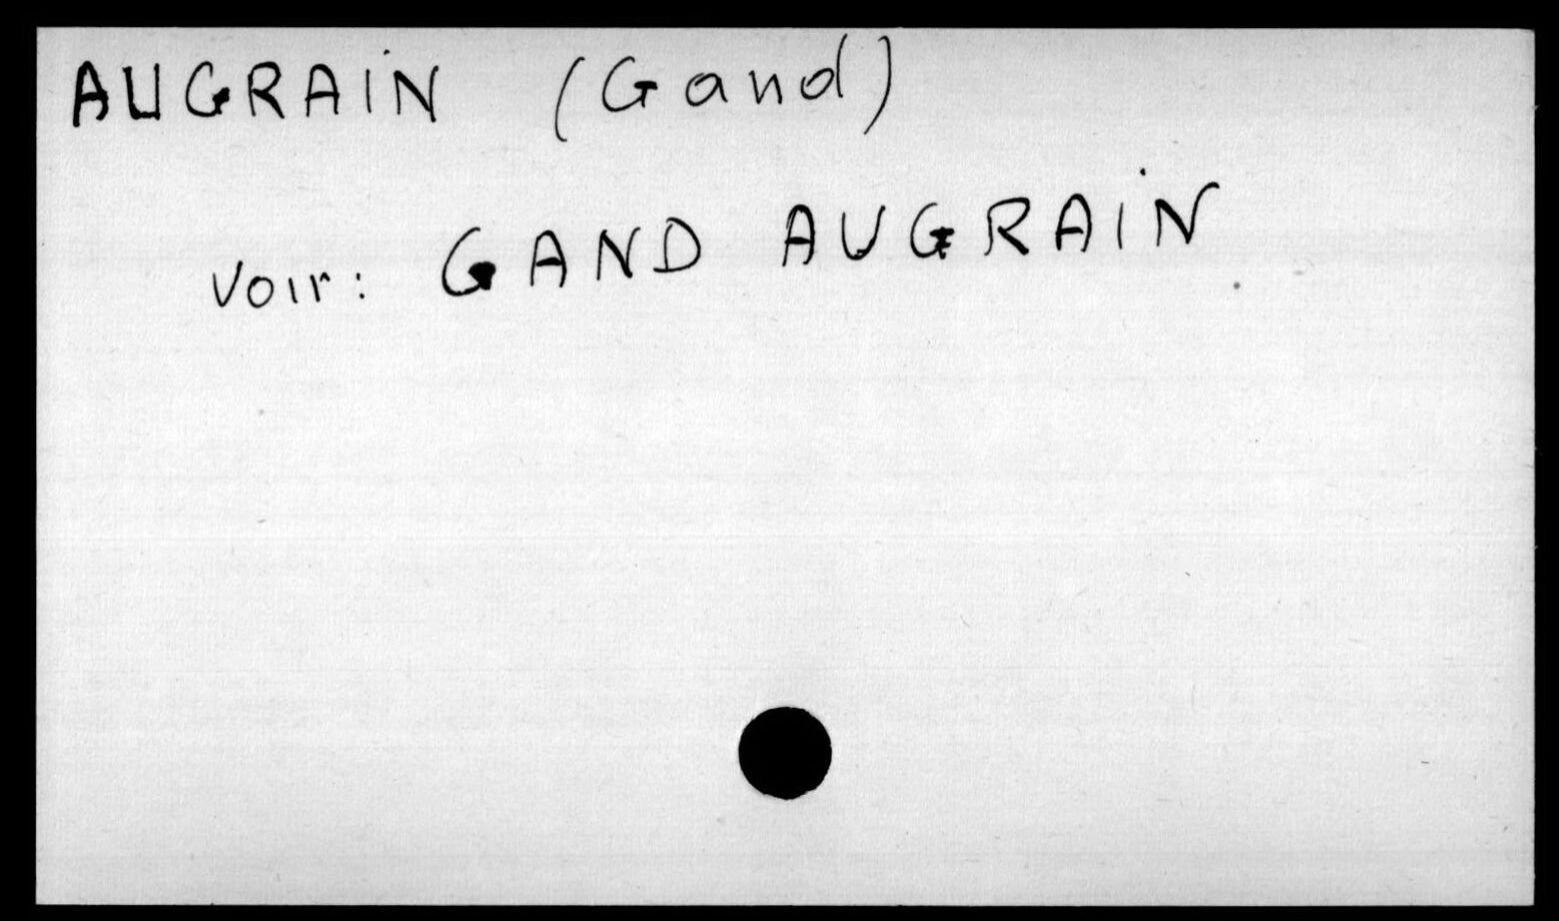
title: AUGRAIN (Gand)
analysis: Voir : GAND AUGRAIN
